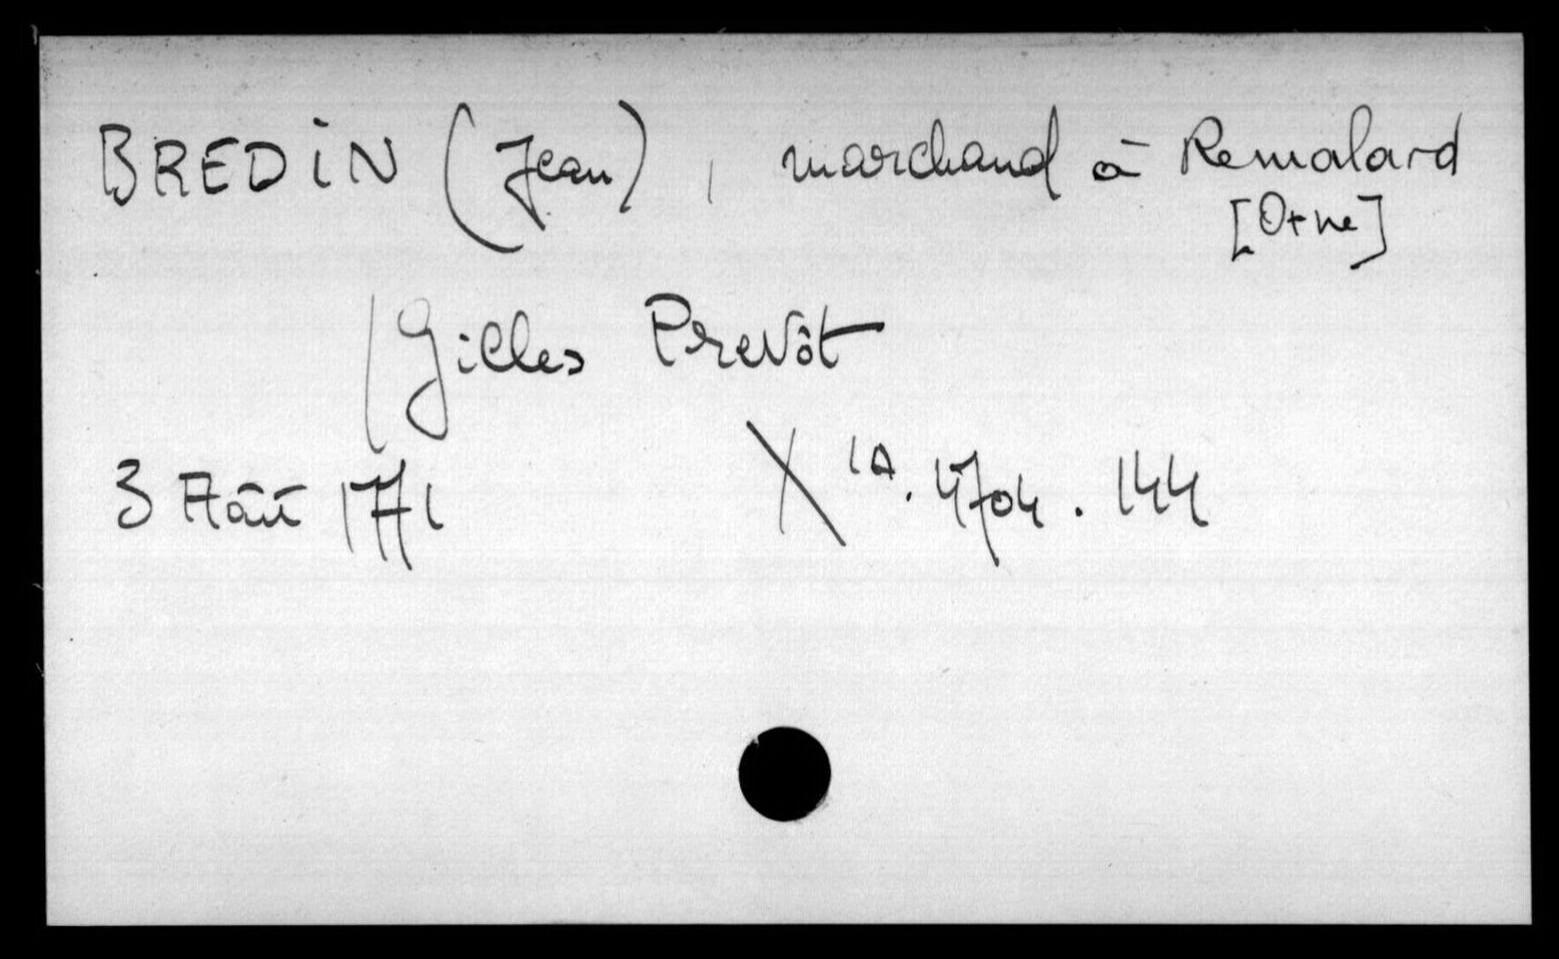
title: BREDIN (Jean), marchand à Rémalard [Orne]
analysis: Contre Gilles Prevôt
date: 3 août 1771
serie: X1A
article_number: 4704
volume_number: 144
